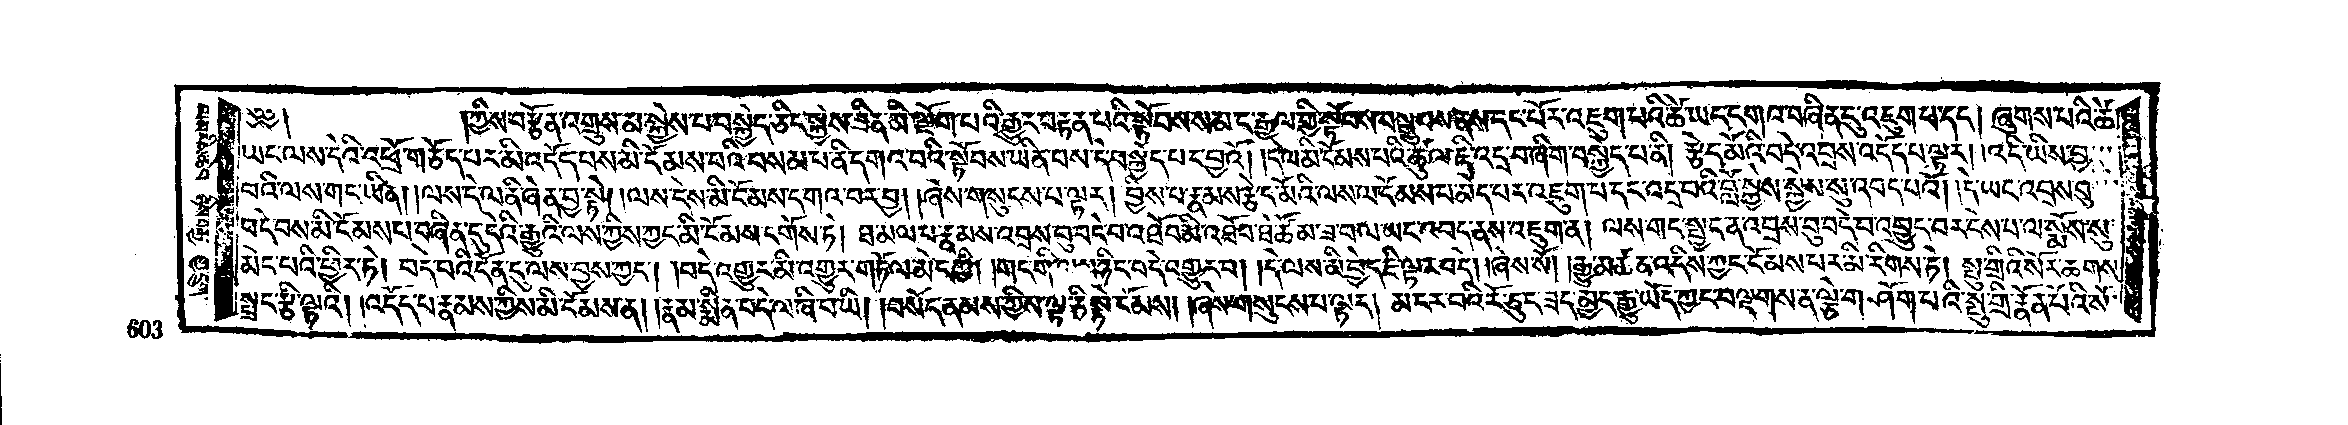༄༅། །ཀྱིས་བརྩོན་འགྲུས་མ་སྐྱེས་པ་བསྐྱེད་ཅིང་སྐྱེས་ཟིན་མི་ལྡོག་པའི་རྒྱུར་བརྟན་པའི་སྟོབས་སམ་ང་རྒྱལ་གྱི་སྟོབས་བསྒྲུབས་ནས་དང་པོར་འཇུག་པའི་ཚེ་ཡང་དགའ་བཞིན་དུ་འཇུག་པ་དང་། ཞུགས་པའི་ཚེ་
ཡང་ལས་དེའི་འཕྲོ་གཅོད་པར་མི་འདོད་པས་མི་ངོམས་པའི་བསམ་པ་ནི་དགའ་བའི་སྟོབས་ཡིན་པས་དེ་བསྐྱེད་པར་བྱའོ། །དེ་ལ་མི་ངོམས་པའི་ཚུལ་ཇི་འདྲ་བ་ཞིག་བསྐྱེད་པ་ནི། རྩེད་མོའི་བདེ་འབྲས་འདོད་པ་ལྟར། །འདི་ཡིས་བྱ་
བའི་ལས་གང་ཡིན། །ལས་དེ་ལ་ནི་ཞེན་བྱ་སྟེ། །ལས་དེས་མི་ངོམས་དགའ་བར་བྱ། །ཞེས་གསུངས་པ་ལྟར། བྱིས་པ་རྣམས་རྩེད་མོའི་ལས་ལ་ངོམས་པ་མེད་པར་འཇུག་པ་དང་འདྲ་བའི་བློ་སྐྱེས་སྐྱེས་སུ་འབད་པའོ། །དེ་ཡང་འབྲས་བུ་
བདེ་བས་མི་ངོམས་པ་བཞིན་དུ་དེའི་རྒྱུའི་ལས་ཀྱིས་ཀྱང་མི་ངོམས་དགོས་ཏེ། ཐ་མལ་པ་རྣམས་འབྲས་བུ་བདེ་བ་འཐོབ་མི་འཐོབ་ཐེ་ཚོམ་ཟ་བ་ལ་ཡང་འབད་ནས་འཇུག་ན། ལས་གང་སྤྱད་ན་འབྲས་བུ་བདེ་བ་འབྱུང་བར་ངེས་པ་ལ་སྨོས་སུ་
མེད་པའི་ཕྱིར་ཏེ། བདེ་བའི་དོན་དུ་ལས་བྱས་ཀྱང་། །བདེ་འགྱུར་མི་འགྱུར་གཏོལ་མེད་ཀྱི། །གང་གི་ལས་ཉིད་བདེ་འགྱུར་བ། །དེ་ལས་མི་བྱེད་ཇི་ལྟར་བདེ། །ཞེས་སོ། །རྒྱུ་མཚན་འདིས་ཀྱང་ངོམས་པར་མི་རིགས་ཏེ། སྤུ་གྲིའི་སོར་ཆགས་
སྦྲང་རྩི་ལྟའི། །འདོད་པ་རྣམས་ཀྱིས་མི་ངོམས་ན། །རྣམ་སྨིན་བདེ་ལ་ཞི་བ་ཡི། །བསོད་ནམས་ཀྱིས་ལྟ་ཅི་སྟེ་ངོམས། །ཞེས་གསུངས་པ་ལྟར། མངར་བའི་རོ་ཅུང་ཟད་མྱང་རྒྱུ་ཡོད་ཀྱང་བལྡགས་ན་ལྕེ་གཤོག་པའི་སྤུ་གྲི་རྣོན་པོའི་སོ་